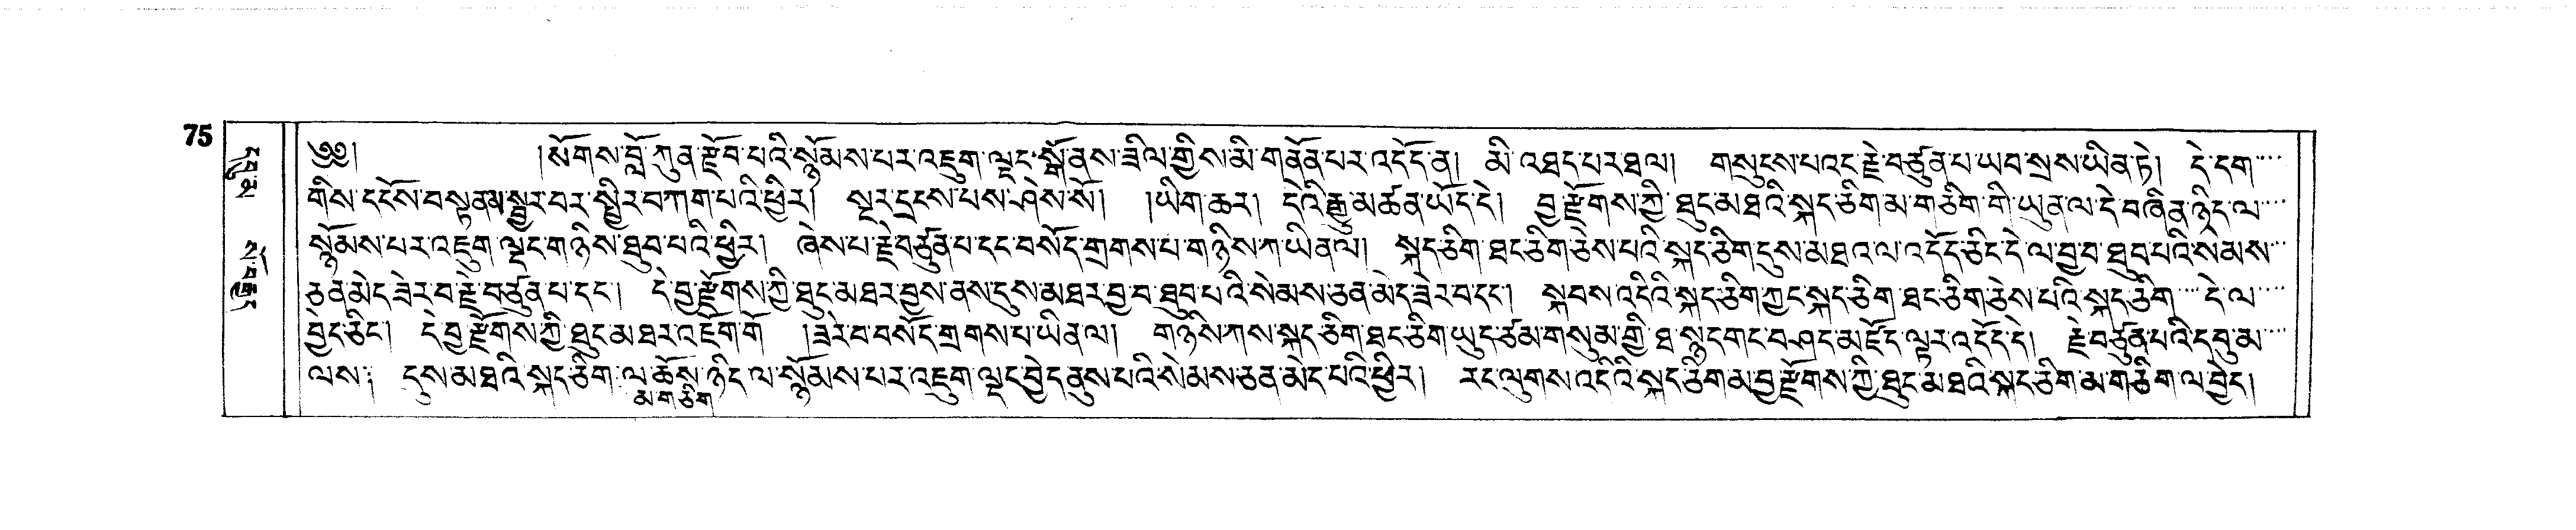༄༅། །སོགས་བློ་ཀུན་རྫོབ་པའི་སྙོམས་པར་འཇུག་ལྡང་སྒོ་ནས་ཟིལ་གྱིས་མི་གནོན་པར་འདོད་ན། མི་འཐད་པར་ཐལ། གསུངས་པའང་རྗེ་བཙུན་པ་ཡབ་སྲས་ཡིན་ཏེ། དེ་དག་
གིས་དངོས་བསྟན་མ་སྦྱར་བར་སྤྱིར་བཀག་པའི་ཕྱིར། སྔར་དྲངས་པས་ཤེས་སོ། །ཡིག་ཆར། དེའི་རྒྱུ་མཚན་ཡོད་དེ། བྱ་རྫོགས་ཀྱི་ཐུང་མཐའི་སྐད་ཅིག་མ་གཅིག་གི་ཡུན་ལ་དེ་བཞིན་ཉིད་ལ་
སྙོམས་པར་འཇུག་ལྡང་གཉིས་ཐུབ་པའི་ཕྱིར། ཞེས་པ་རྗེ་བཙུན་པ་དང་བསོད་གྲགས་པ་གཉིས་ཀ་ཡིན་ལ། སྐད་ཅིག་ཐང་ཅིག་ཅེས་པའི་སྐད་ཅིག་དུས་མཐའ་ལ་འདོད་ཅིང་དེ་ལ་བྱ་བ་ཐུབ་པའི་སེམས་
ཅན་མེད་ཟེར་བ་རྗེ་བཙུན་པ་དང་། དེ་བྱ་རྫོགས་ཀྱི་ཐུང་མཐར་བྱས་ནས་དུས་མཐར་བྱ་བ་ཐུབ་པའི་སེམས་ཅན་མེད་ཟེར་བ་དང་། སྐབས་འདིའི་སྐད་ཅིག་ཀྱང་སྐད་ཅིག་ཐང་ཅིག་ཅེས་པའི་སྐད་ཅིག་དེ་ལ་
བྱེད་ཅིང་། དེ་བྱ་རྫོགས་ཀྱི་ཐུང་མཐར་འཇོག་གོ །ཟེར་བ་བསོད་གྲགས་པ་ཡིན་ལ། གཉིས་ཀས་སྐད་ཅིག་ཐང་ཅིག་ཡུད་ཙམ་གསུམ་གྱི་ཐ་སྙད་གང་བཤད་མཛོད་ལྟར་འདོད་དེ། རྗེ་བཙུན་པའི་དབུ་མ་
ལས༑ དུས་མཐའི་སྐད་ཅིག་མ་གཅིག་ལ་ཆོས་ཉིད་ལ་སྙོམས་པར་འཇུག་ལྡང་བྱེད་ནུས་པའི་སེམས་ཅན་མེད་པའི་ཕྱིར། རང་ལུགས་འདིའི་སྐད་ཅིག་མ་བྱ་རྫོགས་ཀྱི་ཐུང་མཐའི་སྐད་ཅིག་མ་གཅིག་ལ་བྱེད།